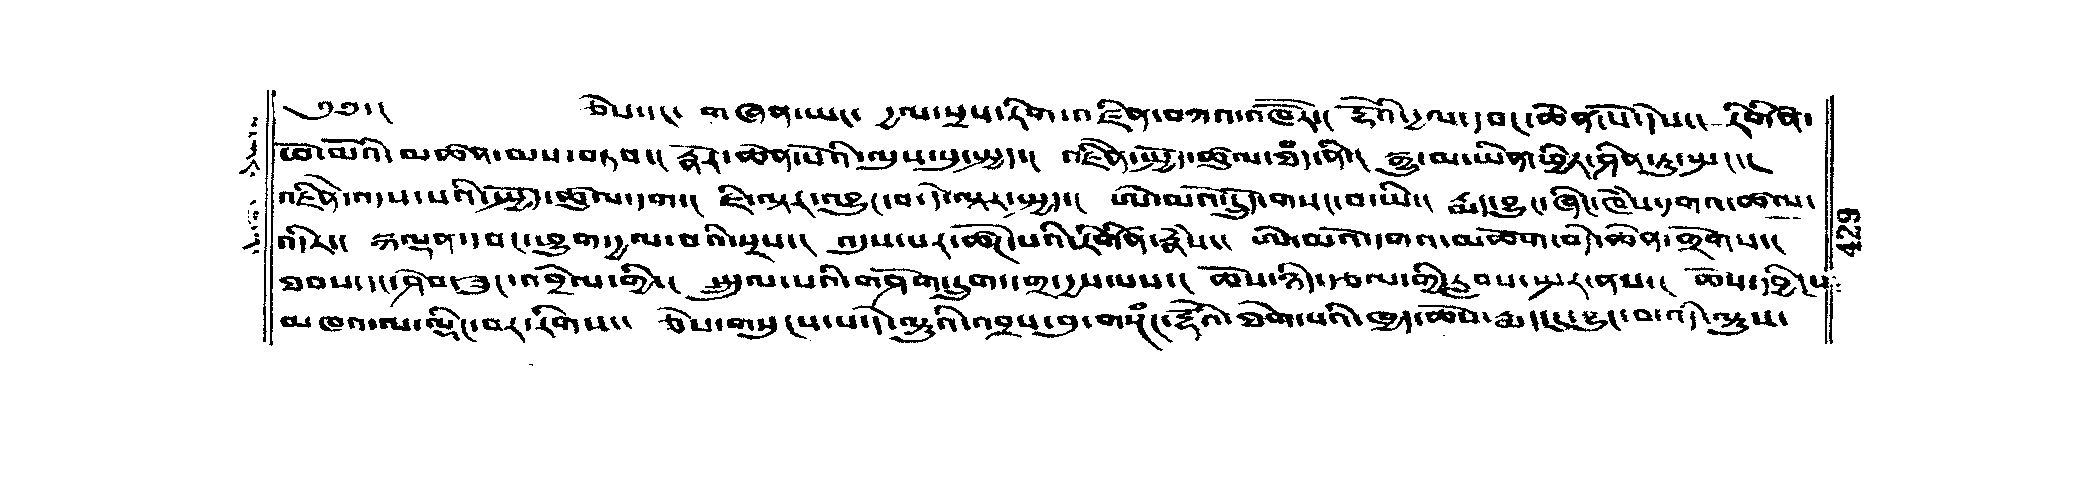ཅེས་དང་། གཞན་ཡང་། རྒྱལ་སྲས་རིག་འཛིན་བཀའ་འཁོར་ལོ། །རྡོ་རྗེ་རྒྱལ་དབང་ཆེན་པོ་དེས། །རིག་འཛིན་
ཕོ་མོའི་མཚན་མས་བཏབ། །རྣལ་འབྱོར་ཆེན་པོའི་ལུས་སུ་སྤྱོད། །འཇིག་རྟེན་སྤྱོད་ཚུལ་ཐམས་ཅད་ནི། །སྒྱུ་མ་ཡིན་ཕྱིར་ཤིན་ཏུ་ཡང་། །
འཇིག་རྟེན་འདས་པའི་སྤྱོད་ཚུལ་དག་།ཇི་ལྟར་འབྱུང་བ་དེ་ལྟར་སྤྱད། །ཨེ་མའོ་དུར་ཁྲོད་གསང་བ་ཡི། །རྨད་བྱུང་ཞིང་ཁམས་དགའ་ཚལ་
འདིར། །སྐལ་ལྡན་དབང་ཕྱུག་རྒྱལ་བའི་སྲས། །འདུས་པར་ཚུགས་པའི་རིག་འཛིན་རྣམས། །ཨེ་མའོ་དགའ་མཆོག་བདེ་ཆེན་གྲོགས། །
ཐབས་དང་ཤེས་རབ་ཟུང་འབྲེལ་གྱི། །སྤྲུལ་པའི་གཤོག་དྲུག་དགྲ་རྒྱས་པས། །ཆོས་ཉིད་རྩལ་གྱི་རླབས་སྤར་ནས། །ཆོས་དབྱིངས་
མཁའ་ལ་ལྡིང་བར་རིགས། །ཅེས་གསུངས་པ་དེ་ལྟ་བའི་འབྲས་བུ་གསང་སྔགས་རྡོ་རྗེ་ཐེག་པའི་ཁྱད་ཆོས་རྨད་དུ་བྱུང་བ་འདི་ལྟ་ལྟ་བུས་